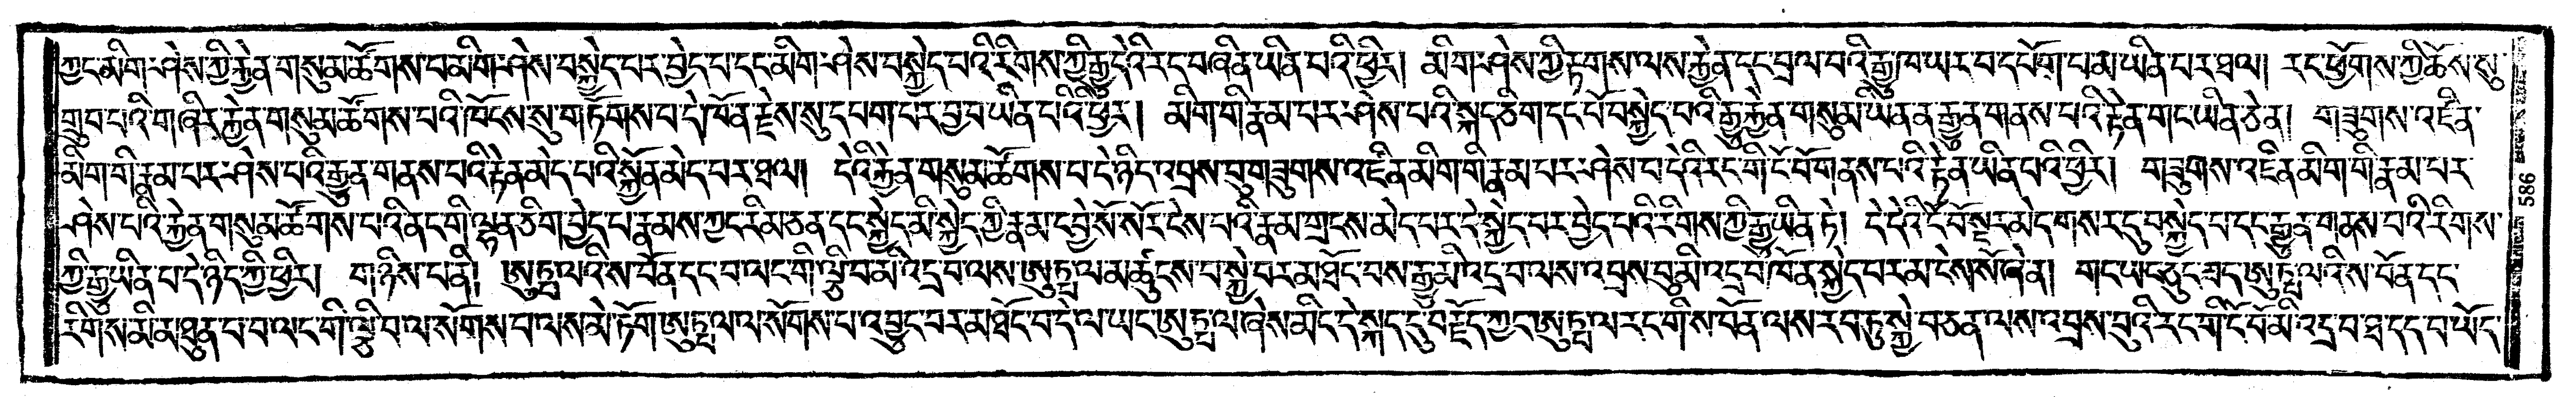ཀྱང་མིག་ཤེས་ཀྱི་རྐྱེན་གསུམ་ཚོགས་པ་མིག་ཤེས་བསྐྱེད་པར་བྱེད་པ་དང་མིག་ཤེས་བསྐྱེད་པའི་རིགས་ཀྱི་རྒྱུ་དེའི་རང་བཞིན་ཡིན་པའི་ཕྱིར། མིག་ཤེས་ཀྱི་རྟགས་ལས་རྐྱེན་དང་བྲལ་བའི་རྒྱུ་ཁ་ཡར་བ་དཔོག་པ་མ་ཡིན་པར་ཐལ། རང་ཕྱོགས་ཀྱི་ཆོས་སུ་
གྲུབ་པའི་གཞིར་རྐྱེན་གསུམ་ཚོགས་པའི་ཁོངས་སུ་གཏོགས་པ་དེ་ཁོ་ན་རྗེས་སུ་དཔག་པར་བྱ་བ་ཡིན་པའི་ཕྱིར། མིག་གི་རྣམ་པར་ཤེས་པའི་སྐད་ཅིག་དང་པོ་བསྐྱེད་པའི་རྒྱུ་རྐྱེན་གསུམ་ཡིན་ན་རྒྱུན་གནས་པའི་རྟེན་གང་ཡིན་ཅེ་ན། གཟུགས་འཛིན་
མིག་གི་རྣམ་པར་ཤེས་པའི་རྒྱུན་གནས་པའི་རྟེན་མེད་པའི་སྐྱོན་མེད་པར་ཐལ། དེའི་རྐྱེན་གསུམ་ཚོགས་པ་དེ་ཉིད་འབྲས་བུ་གཟུགས་འཛིན་མིག་གི་རྣམ་པར་ཤེས་པ་དེའི་རང་གི་ངོ་བོ་གནས་པའི་རྟེན་ཡིན་པའི་ཕྱིར། གཟུགས་འཛིན་མིག་གི་རྣམ་པར་
ཤེས་པའི་རྐྱེན་གསུམ་ཚོགས་པའི་ནང་གི་ལྷན་ཅིག་བྱེད་པ་རྣམས་ཀྱང་རིམ་ཅན་དང་སྐྱེད་མི་སྐྱེད་ཀྱི་རྣམ་དབྱེ་སོ་སོར་ངེས་པའི་རྣམ་གྲངས་མེད་པར་དེ་སྐྱེད་པར་བྱེད་པའི་རིགས་ཀྱི་རྒྱུ་ཡིན་ཏེ། དེ་དེའི་ངོ་བོ་སྔར་མེད་གསར་དུ་བསྐྱེད་པ་དང་རྒྱུན་གནས་པའི་རིགས་
ཀྱི་རྒྱུ་ཡིན་པ་དེ་ཉིད་ཀྱི་ཕྱིར། གཉིས་པ་ནི། ཨུཏྤ་ལའི་ས་བོན་དང་བ་ལང་གི་ལྕི་བ་མི་འདྲ་བ་ལས་ཨུཏྤ་ལ་མཚུངས་པ་སྐྱེ་བར་མཐོང་བས་རྒྱུ་མི་འདྲ་བ་ལས་འབྲས་བུ་མི་འདྲ་བ་ཁོ་ན་སྐྱེད་པར་མ་ངེས་སོ་ཞེ་ན། གང་ཡང་ཅུང་ཟད་ཨུཏྤ་ལའི་ས་བོན་དང་
རིགས་མི་མཐུན་པ་བ་ལང་གི་ལྕི་བ་ལ་སོགས་པ་ལས་མེ་ཏོག་ཨུཏྤ་ལ་ལ་སོགས་པ་འབྱུང་བར་མཐོང་བ་དེ་ལ་ཡང་ཨུཏྤ་ལ་ཞེས་མིང་དེ་སྐད་དུ་བརྗོད་ཀྱང་ཨུཏྤ་ལ་རང་གི་ས་བོན་ལས་རབ་ཏུ་སྐྱེ་བ་ཅན་ལས་འབྲས་བུའི་རང་གི་ངོ་བོ་མི་འདྲ་བ་ཐ་དད་པ་ཡོད་